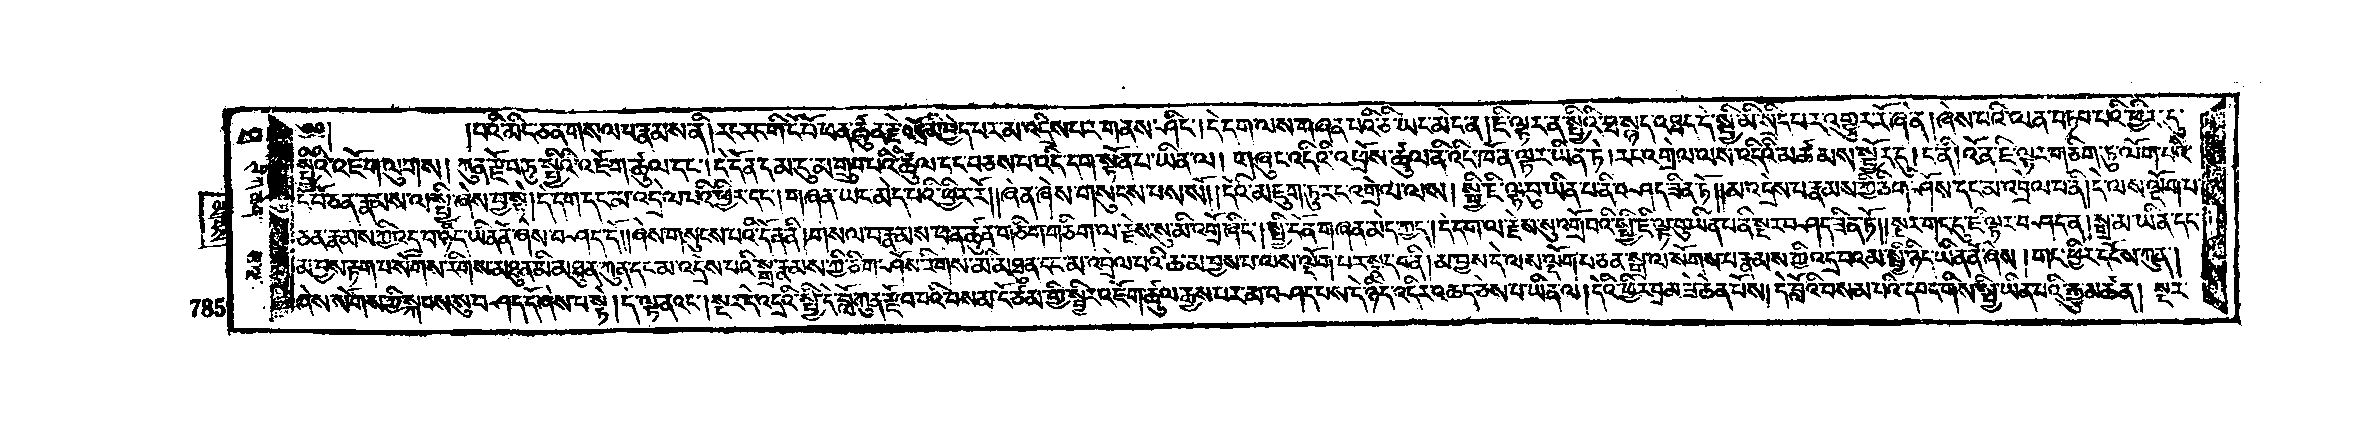༄༅། །པའི་མིང་ཅན་གསལ་པ་རྣམས་ནི། རང་རང་གི་ངོ་བོ་ཕན་ཚུན་རྗེ་འགྲོ་མི་བྱེད་པར་མ་འདྲིས་པར་གནས་ཤིང་། དེ་དག་ལས་གཞན་པའི་ཅི་ཡང་མེད་ན། ཇི་ལྟར་ན་སྤྱིའི་ཐ་སྙད་འཐད་དེ་སྤྱི་མི་སྲིད་པར་འགྱུར་རོ་ཞེ་ན། ཞེས་པའི་ལན་བཏབ་པའི་ཕྱིར་དུ་
སྤྱིའི་འཇོག་ལུགས། ཀུན་རྫོབ་ཏུ་སྤྱིའི་འཇོག་ཚུལ་དང་། དེ་དོན་དམ་དུ་མ་གྲུབ་པའི་ཚུལ་དང་བཅས་པ་འདི་དག་སྟོན་པ་ཡིན་ལ། གཞུང་འདིའི་འཕྲོས་ཚུལ་ནི་འདི་ཁོ་ན་ལྟར་ཡིན་ཏེ། རང་འགྲེལ་ལས་འདིའི་མཚམས་སྦྱོར་དུ། ད་ནི། འོ་ན་ཇི་ལྟར་གཅིག་ཏུ་ལོག་པའི་
ངོ་བོ་ཅན་རྣམས་ལ་སྤྱི་ཞེས་བྱ་སྟེ། དེ་དག་དང་མ་འདྲེལ་པའི་ཕྱིར་དང་། གཞན་ཡང་མེད་པའི་ཕྱིར་རོ། །ཞེ་ན་ཞེས་གསུངས་པས་སོ། །དེའི་མཇུག་ཏུ་རང་འགྲེལ་ལས། སྤྱི་ཇི་ལྟ་བུ་ཡིན་པ་ནི་བཤད་ཟིན་ཏོ། །མ་འདྲེས་པ་རྣམས་ཀྱི་ཅིག་ཤོས་དང་མ་འབྲེལ་བ་ནི། དེ་ལས་ལྡོག་པ་
ཅན་རྣམས་ཀྱི་འདྲ་བ་ཉིད་ཡིན་ནོ་ཞེས་བཤད་དོ། །ཞེས་གསུངས་པའི་དོན་ནི། གསལ་བ་རྣམས་ཕན་ཚུན་གཅིག་གཅིག་ལ་རྗེས་སུ་མི་འགྲོ་ཞིང་། སྤྱི་དོན་གཞན་མེད་ཀྱང་། དེ་དག་ལ་རྗེས་སུ་འགྲོ་བའི་སྤྱི་ཇི་ལྟ་བུ་ཡིན་པ་ནི་སྔར་བཤད་ཟིན་ཏོ། །སྔར་གང་དུ་ཇི་ལྟར་བཤད་ན། སྒྲ་མ་ཡིན་དང་
མ་བྱས་རྟག་པ་སོགས་རིགས་མཐུན་མི་མཐུན་ཀུན་དང་མ་འདྲེས་པའི་སྒྲ་རྣམས་ཀྱི་ཅིག་ཤོས་རིགས་མི་མཐུན་དང་མ་འབྲེལ་བའི་ཆ་མ་བྱས་པ་ལས་ལྡོག་པར་སྣང་བ་ནི། མ་བྱས་དེ་ལས་ལྡོག་པ་ཅན་སྒྲ་ལ་སོགས་པ་རྣམས་ཀྱི་འདྲ་བའམ་སྤྱི་ཉིད་ཡིན་ནོ་ཞེས། གང་ཕྱིར་དངོས་ཀུན།
ཞེས་སོགས་ཀྱི་སྐབས་སུ་བཤད་དོ་ཞེས་པ་སྟེ། དེ་ལྟ་ནའང་། སྔར་དེ་འདྲའི་སྤྱི་དེ་བློ་ཀུན་རྫོབ་པའི་བསམ་ངོ་ཙམ་གྱི་སྤྱིར་འཇོག་ཚུལ་རྒྱས་པར་མ་བཤད་པས་དེ་ཉིད་འདིར་འཆད་ཅེས་པ་ཡིན་ལ། དེའི་ཕྱིར་བྲམ་ཟེ་ཆེན་པོས། དེ་བློའི་བསམ་པའི་དབང་གིས་སྤྱི་ཡིན་པའི་རྒྱུ་མཚན། སྔར་